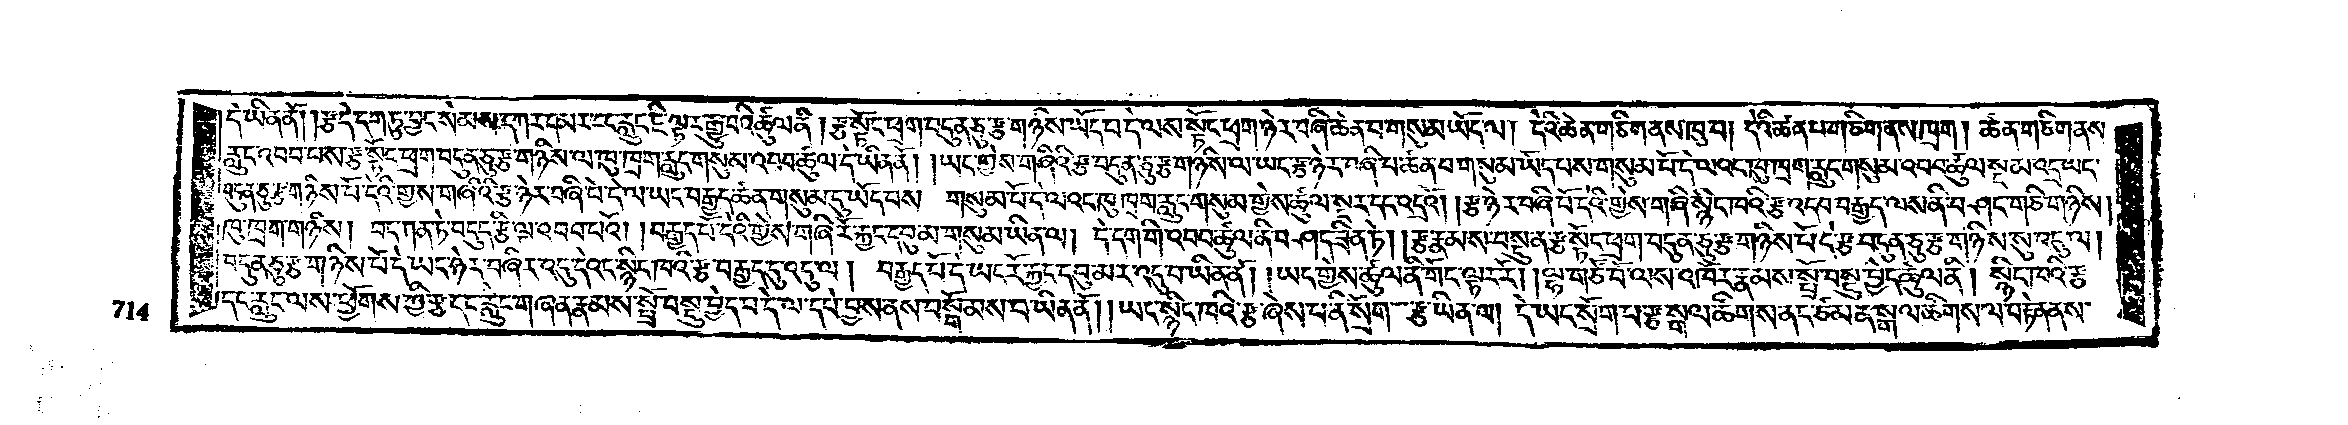དེ་ཡིན་ནོ། །རྩ་དེ་དག་ཏུ་བྱང་སེམས་དཀར་དམར་དང་རླུང་ཇི་ལྟར་རྒྱུ་བའི་ཚུལ་ནི། རྩ་སྟོང་ཕྲག་བདུན་ཅུ་རྩ་གཉིས་ཡོད་པ་དེ་ལས་སྟོང་ཕྲག་ཉེར་བཞི་ཚན་པ་གསུམ་ཡོད་ལ། དེའི་ཆེན་གཅིག་ནས་ཁུ་བ་དེའི་ཚན་པ་གཅིག་ནས་ཁྲག །ཚན་གཅིག་ནས་
རླུང་འབབ་པས་རྩ་སྟོང་ཕྲག་བདུན་ཅུ་རྩ་གཉིས་ལ་ཁུ་ཁྲག་རླུང་གསུམ་འབབ་ཚུལ་དེ་ཡིན་ནོ། །ཡང་གྱེས་གཞིའི་རྩ་བདུན་ཅུ་རྩ་གཉིས་ལ་ཡང་རྩ་ཉེར་བཞི་པ་ཚན་པ་གསུམ་ཡོད་པས་གསུམ་པོ་དེ་ལའང་ཁུ་ཁྲག་རླུང་གསུམ་འབབ་ཚུལ་སྔ་མ་འདྲ་ཡང་
བདུན་ཅུ་རྩ་གཉིས་པོ་དེའི་གྱས་གཞིའི་རྩ་ཉེར་བཞི་པོ་དེ་ལ་ཡང་བརྒྱད་ཚན་གསུམ་དུ་ཡོད་པས་གསུམ་པོ་དེ་ལའང་ཁུ་ཁྲག་རླུང་གསུམ་གྱེས་ཚུལ་སྔར་དང་འདྲའོ། །རྩ་ཉེར་བཞི་པོ་དེའི་གྱེས་གཞི་སྙིང་ཁའི་རྩ་འདབ་བརྒྱད་ལས་ནི་བཤང་གཅི་གཉིས།
ཁུ་ཁྲག་གཉིས། བད་ཀན་ཏེ་བདུད་རྩི་ལྟ་འབབ་པའོ། །བརྒྱད་པོ་དེའི་གྱེས་གཞི་རོ་རྐྱང་དབུ་མ་གསུམ་ཡིན་ལ། དེ་དག་གི་འབབ་ཚུལ་ནི་བཤད་ཟིན་ཏོ། །རྩ་རྣམས་བསྡུ་ན་རྩ་སྟོང་ཕྲག་བདུན་ཅུ་རྩ་གཉིས་པོ་དེ་རྩ་བདུན་ཅུ་རྩ་གཉིས་སུ་འདུ་ལ།
བདུན་ཅུ་རྩ་གཉིས་པོ་དེ་ཡང་ཉེར་བཞིར་འདུ་དེའང་སྙིང་ཁའི་རྩ་བརྒྱད་དུ་འདུ་ལ། བརྒྱད་པོ་དེ་ཡང་རོ་རྐྱང་དབུ་མར་འདུ་བ་ཡིན་ནོ། །ཡང་གྱེས་ཚུལ་ནི་གོང་ལྟར་རོ། །ལྷ་གཙོ་བོ་ལས་འཁོར་རྣམས་སྤྲོ་བསྡུ་བྱེད་ཚུལ་ནི། སྙིང་ཁའི་རྩ་
དང་རླུང་ལས་ཕྱོགས་ཀྱི་རྩ་དང་རླུང་གཞན་རྣམས་སྤྲོ་བསྡུ་བྱེད་པ་དེ་ལ་དཔེ་བྱས་ནས་བསྒོམས་པ་ཡིན་ནོ། །ཡང་སྙིང་ཁའི་རྩ་ཞེས་པ་ནི་སྲོག་རྩ་ཡིན་ལ། དེ་ཡང་སྲོག་པ་རྩ་སྒལ་ཚིགས་ནང་ཙམ་ནི་སྒལ་ཚིགས་ལ་བརྟེན་ནས་